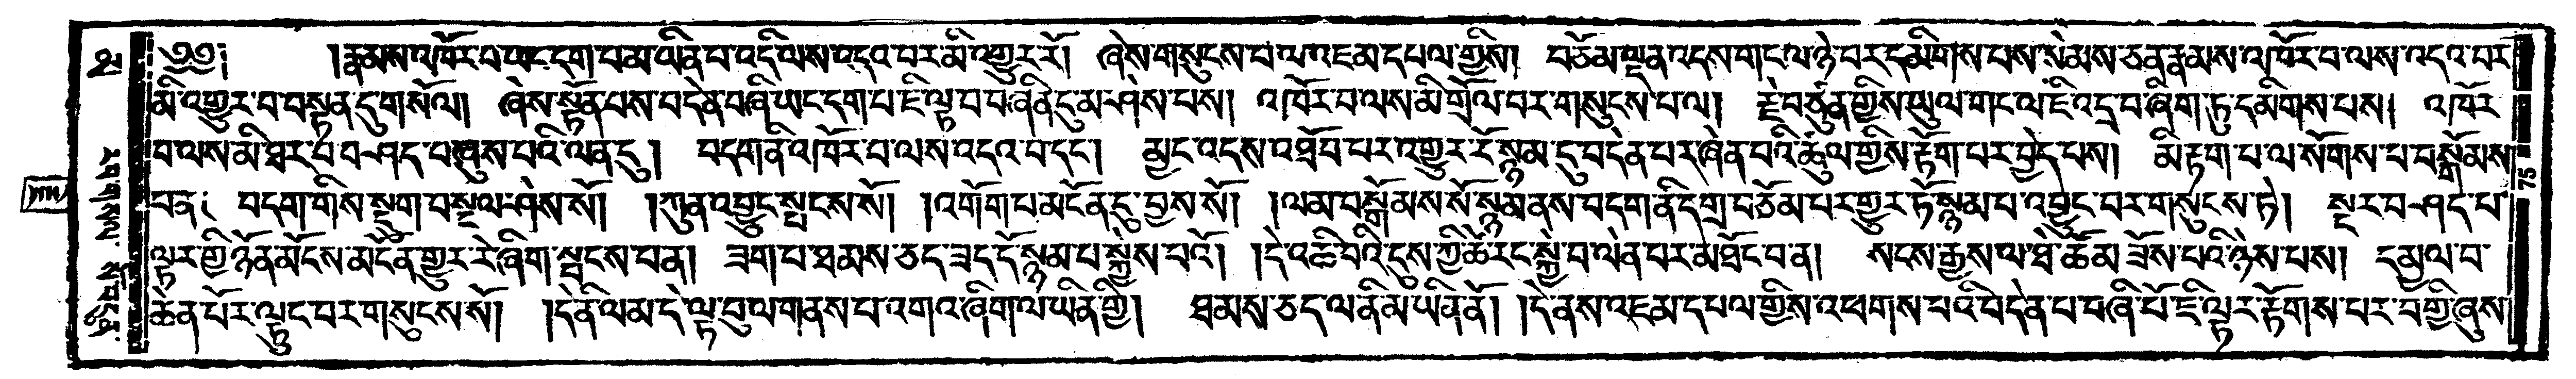༄༅། །རྣམས་འཁོར་བ་ཡང་དག་པ་མ་ཡིན་པ་འདི་ལས་འདའ་བར་མི་འགྱུར་རོ། ཞེས་གསུངས་པ་ལ་འཇམ་དཔལ་གྱིས། བཅོམ་ལྡན་འདས་གང་ལ་ཉེ་བར་དམིགས་པས་སེམས་ཅན་རྣམས་འཁོར་བ་ལས་འདའ་བར་
མི་འགྱུར་བ་བསྟན་དུ་གསོལ། ཞེས་སྟོན་པས་བདེན་བཞི་ཡང་དག་པ་ཇི་ལྟ་བ་བཞིན་དུ་མ་ཤེས་པས། འཁོར་བ་ལས་མི་གྲོལ་བར་གསུངས་པ་ལ། རྗེ་བཙུན་གྱིས་ཡུལ་གང་ལ་ཇི་འདྲ་བ་ཞིག་ཏུ་དམིགས་པས། འཁོར་
བ་ལས་མི་ཐར་བ་བཤད་པ་ཞུས་པའི་ལན་དུ། བདག་ནི་འཁོར་བ་ལས་འདའ་བ་དང་། མྱང་འདས་འཐོབ་པར་འགྱུར་རོ་སྙམ་དུ་བདེན་པར་ཞེན་པའི་ཚུལ་གྱིས་རྟོག་པར་བྱེད་པས། མི་རྟག་པ་ལ་སོགས་པ་བསྒོམས་
པ་ན། བདག་གིས་སྡུག་བསྔལ་ཤེས་སོ། །ཀུན་འབྱུང་སྤངས་སོ། །འགོག་པ་མངོན་དུ་བྱས་སོ། །ལམ་བསྒོམས་སོ་སྙམ་ནས་བདག་ནི་དགྲ་བཅོམ་པར་གྱུར་ཏོ་སྙམ་པ་འབྱུང་བར་གསུངས་ཏེ། སྔར་བཤད་པ་
ལྟར་གྱི་ཉོན་མོངས་མངོན་གྱུར་རེ་ཞིག་སྤངས་པ་ན། ཟག་པ་ཐམས་ཅད་ཟད་དོ་སྙམ་པ་སྐྱེས་པའོ། །དེ་འཆི་བའི་དུས་ཀྱི་ཚེ་རང་སྐྱེ་བ་ལེན་པར་མཐོང་བ་ན། སངས་རྒྱས་ལ་ཐེ་ཚོམ་ཟོས་པའི་ཉེས་པས། དམྱལ་བ་
ཆེན་པོར་ལྟུང་བར་གསུངས་སོ། །དེ་ནི་ལམ་དེ་ལྟ་བུ་ལ་གནས་པ་འགའ་ཞིག་ལ་ཡིན་གྱི། ཐམས་ཅད་ལ་ནི་མ་ཡིན་ནོ། །དེ་ནས་འཇམ་དཔལ་གྱིས་འཕགས་པའི་བདེན་པ་བཞི་པོ་ཇི་ལྟར་རྟོགས་པར་བགྱི་ཞུས་